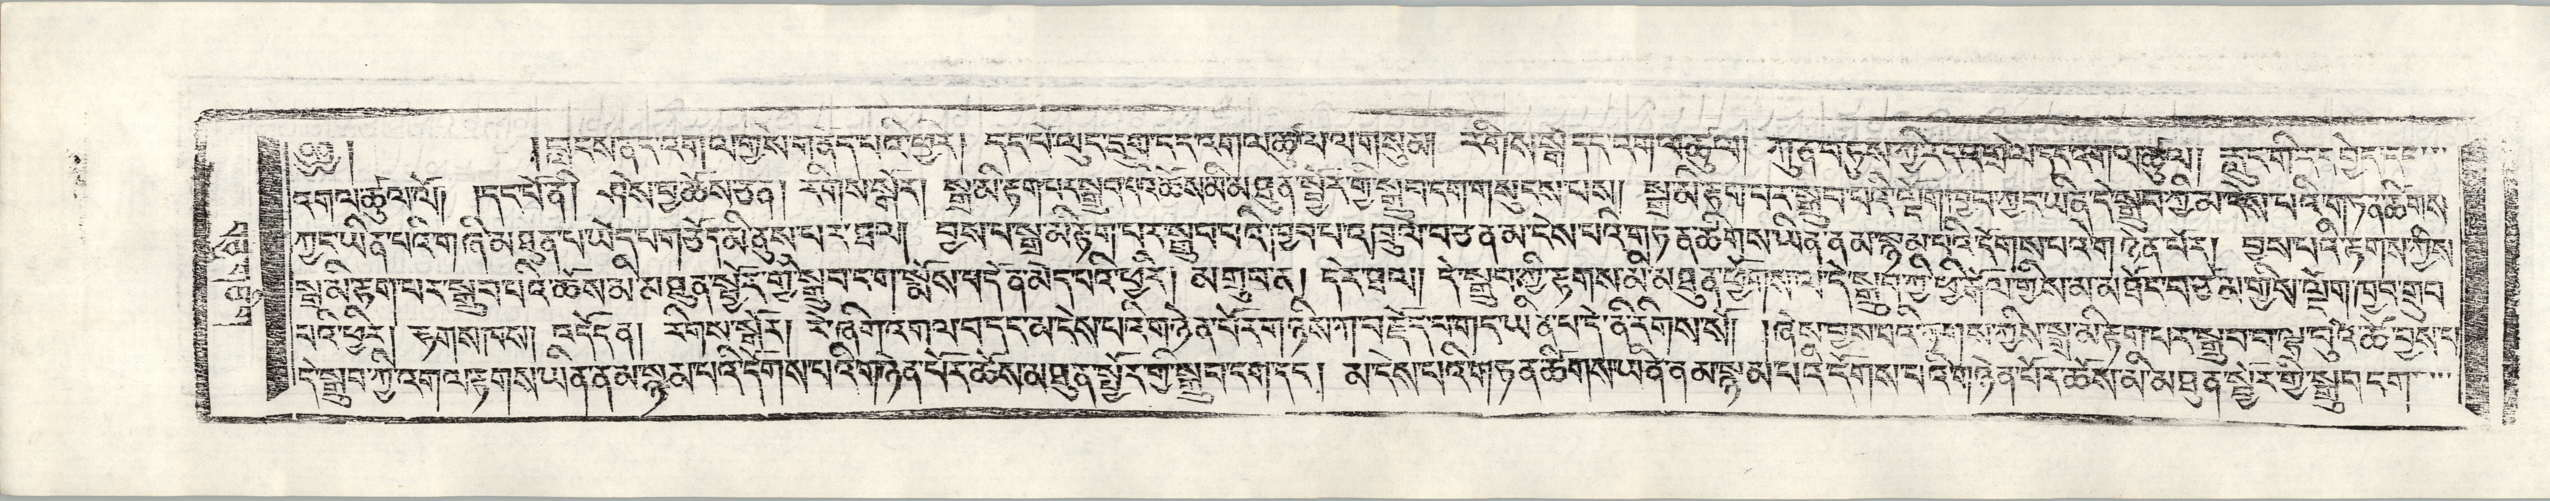༄༅། །བླངས་ནང་འགལ་གྱིས་གནོད་པའི་ཕྱིར། དང་པོ་ལུང་དྲུག་དང་འགལ་ཚུལ་ལ་གསུམ། རིགས་སྒོ་དང་འགལ་ཚུལ། ཀུན་བཏུས་ཀྱི་རང་འགྲེལ་དང་འགལ་ཚུལ། རླུང་གི་རབ་བྱེད་དང་
འགལ་ཚུལ་ལོ། །དང་པོ་ནི། ཤེས་བྱ་ཆོས་ཅན། རིགས་སྒོར། སྒྲ་མི་རྟག་པར་སྒྲུབ་པའི་ཆོས་མི་མཐུན་སྦྱོར་གྱི་སྒྲུབ་ངག་གསུངས་པས། སྒྲ་མི་རྟག་པར་སྒྲུབ་པའི་ལྡོག་ཁྱབ་ཀྱང་ཡིན་དེ་སྒྲུབ་ཀྱི་མ་ངེས་པའི་གཏན་ཚིགས་
ཀྱང་ཡིན་པའི་གཞི་མཐུན་པ་ཡོད་པ་གཅོད་མི་ནུས་པར་ཐལ། བྱས་པ་སྒྲ་མི་རྟག་པར་སྒྲུབ་པའི་ཁྱབ་པ་འཁྲུལ་བ་ཅན་མ་ངེས་པའི་གཏན་ཚིགས་ཡིན་ནམ་སྙམ་པའི་དོགས་པའི་གཉེན་པོར། བྱས་པའི་རྟགས་ཀྱིས་
སྒྲ་མི་རྟག་པར་སྒྲུབ་པའི་ཆོས་མི་མཐུན་སྦྱོར་གྱི་སྒྲུབ་ངག་སྨྲས་པ་དོན་མེད་པའི་ཕྱིར། མ་གྲུབ་ན། དེར་ཐལ། དེ་སྒྲུབ་ཀྱི་རྟགས་མི་མཐུན་ཕྱོགས་ལ་དེ་སྒྲུབ་ཀྱི་ཕྱི་རྒོལ་གྱིས་མ་མཐོང་བ་ཙམ་གྱིས་ལྡོག་ཁྱབ་གྲུབ་
པའི་ཕྱིར། རྟགས་ཁས། འདོད་ན། རིགས་སྒོར། རེ་ཞིག་འགལ་བ་དང་མ་ངེས་པའི་གཉེན་པོར་གཉིས་ཀ་བརྗོད་པ་གང་ཡིན་པ་དེ་ནི་རིགས་སོ། །ཞེས་བྱས་པའི་རྟགས་ཀྱིས་སྒྲ་མི་རྟག་པར་སྒྲུབ་པ་ལྟ་བུའི་ཚེ་བྱས་པ་
དེ་སྒྲུབ་ཀྱི་འགལ་རྟགས་ཡིན་ནམ་སྙམ་པའི་དོགས་པའི་གཉེན་པོར་ཆོས་མཐུན་སྦྱོར་གྱི་སྒྲུབ་ངག་དང་། མ་ངེས་པའི་གཏན་ཚིགས་ཡིན་ནམ་སྙམ་པའི་དོགས་པའི་གཉེན་པོར་ཆོས་མི་མཐུན་སྦྱོར་གྱི་སྒྲུབ་ངག་